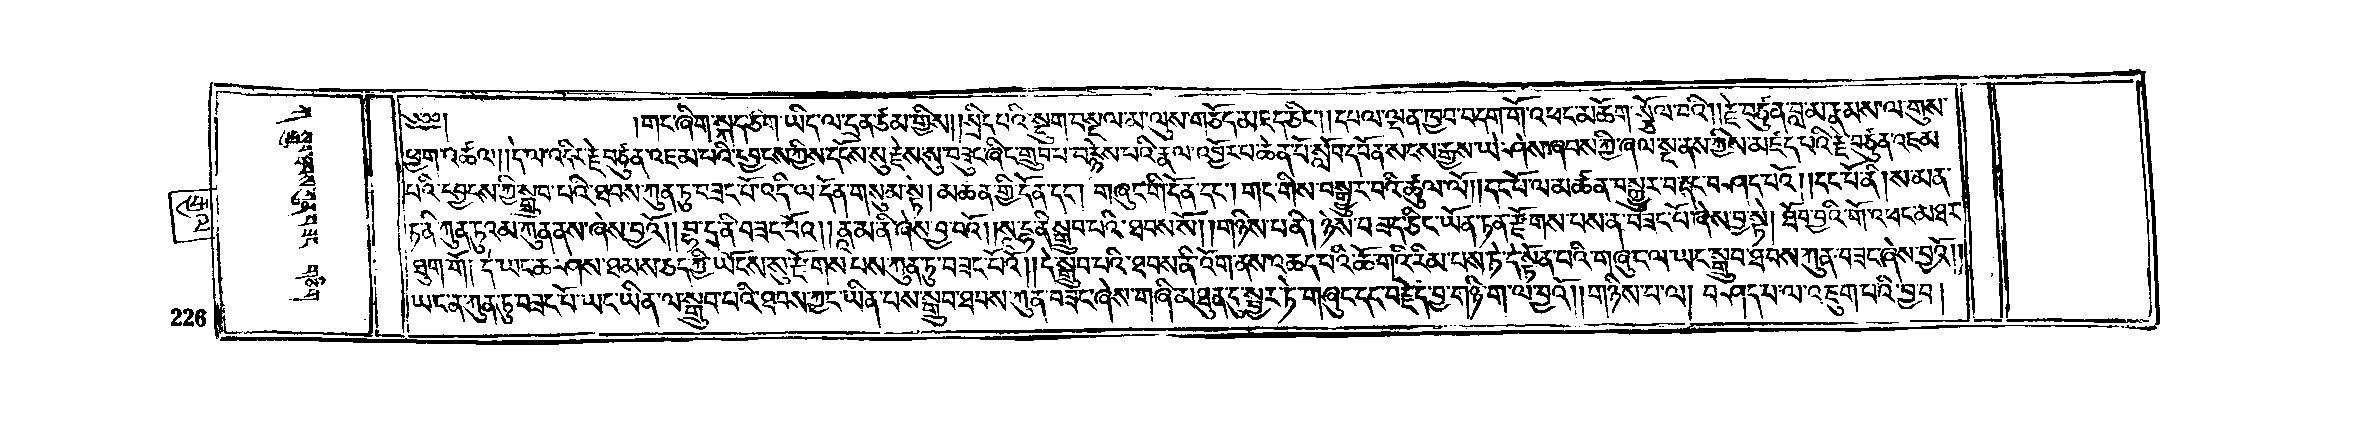༄༅༅། །གང་ཞིག་སྐད་ཅིག་ཡིད་ལ་དྲན་ཙམ་གྱིས། །སྲིད་པའི་སྡུག་བསྔལ་མ་ལུས་གཅོད་མཛད་ཅིང་། །དཔལ་ལྡན་ཁྱབ་བདག་གོ་འཕང་མཆོག་སྩོལ་བའི། །རྗེ་བཙུན་བླ་མ་རྣམས་ལ་གུས་
ཕྱག་འཚལ། །དེ་ལ་འདིར་རྗེ་བཙུན་འཇམ་པའི་དབྱངས་ཀྱིས་དངོས་སུ་རྗེས་སུ་བཟུང་ཞིང་གྲུབ་པ་བརྙེས་པའི་རྣལ་འབྱོར་པ་ཆེན་པོ་སློབ་དཔོན་སངས་རྒྱས་ཡེ་ཤེས་ཞབས་ཀྱི་ཞལ་སྔ་ནས་ཀྱིས་མཛད་པའི་རྗེ་བཙུན་འཇམ་
དཔའི་དབྱངས་ཀྱི་སྒྲུབ་པའི་ཐབས་ཀུན་ཏུ་བཟང་པོ་འདི་ལ་དོན་གསུམ་སྟེ། མཚན་གྱི་དོན་དང་། གཞུང་གྱི་དོན་དང་། གང་གིས་བསྒྱུར་བའི་ཚུལ་ལོ། །དང་པོ་ལ་མཚན་བསྒྱུར་བ་དང་བཤད་པའོ། །དང་པོ་ནི། ས་མན་
ཏ་ནི་ཀུན་ཏུའམ་ཀུན་ནས་ཞེས་བྱའོ། །བྷ་དྲ་ནི་བཟང་པོའོ། །ནཱ་མ་ནི་ཞེས་བྱ་བའོ། །སཱ་དྷ་ནི་བསྒྲུབ་པའི་ཐབས་སོ། །གཉིས་པ་ནི། ཉེས་བཟོད་ཅིང་ཡོན་ཏན་རྫོགས་པས་ན་བཟང་པོ་ཞེས་བྱ་སྟེ། ཐོབ་བྱའི་གོ་འཕང་མཐར་
ཐུག་གོ། དེ་ཡང་ཆ་ཤས་ཐམས་ཅད་ཀྱི་ཡོངས་སུ་རྫོགས་པས་ཀུན་ཏུ་བཟང་པོའོ། །དེ་སྒྲུབ་པའི་ཐབས་ནི་འོག་ནས་འཆད་པའི་ཆོ་གའི་རིམ་པས་ཏེ་དེ་སྟོན་པའི་གཞུང་ལ་ཡང་སྒྲུབ་པ་ཐབས་ཀུན་བཟང་ཞེས་བྱའོ། །
ཡང་ན་ཀུན་ཏུ་བཟང་པོ་ཡང་ཡིན་ལ་སྒྲུབ་པའི་ཐབས་ཀྱང་ཡིན་པས་སྒྲུབ་ཐབས་ཀུན་བཟང་ཞེས་གཞི་མཐུན་དུ་སྦྱར་ཏེ་གཞུང་དང་བརྗེད་བྱ་གཉི་ག་ལ་བྱའོ། །གཉིས་པ་ལ། བཤད་པ་ལ་འཇུག་པའི་བྱ་བ།